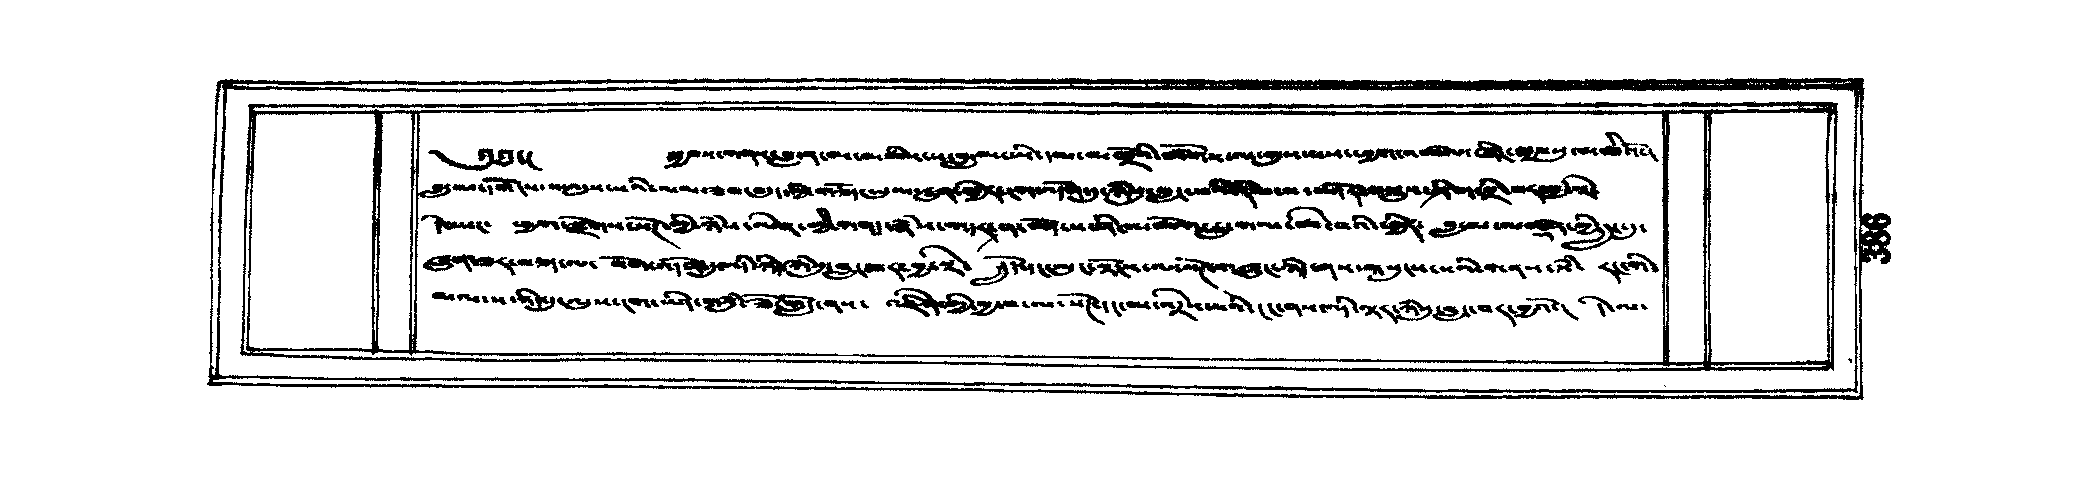སྐྱབས་གནས་བླ་ན་མ་མཆིས་པ་བླ་མ་ཡི་དམ་མཁའ་འགྲོའི་ཚོགས་ལ་གུས་པས་ཕྱག་འཚལ་ཞིང་སྐྱབས་སུ་མཆིའོ། 
བླ་མ་དགོངས་པ་འདུས་པའི་ལམ་ཟབ་བདུད་ཀྱི་གཅོད་ཡུལ་རྒྱུན་ཁྱེར་ངག་འདོན་དུ་ཉམས་སུ་བླང་བའི་རིམ་པ་མདོར་བསྡུས་ཤིག་བྲི་བར་བྱ་སྟེ། 
དེ་ཡང་། ཕྱག་རྫོགས་སོགས་ཀྱི་ཉམས་ལེན་ཀྱི་གནད་རྣམས་གདར་ཤ་ཆོད་པ་ནི་མཆོག་ཏུ་གལ་ཆེ་བའི་ཕྱིར། བླ་མ་མཚན་ལྡན་གྱི་དྲུང་དུ་
ཞུན་ཐར་བཅད་ལ། བོག་འདོན་དུ་དེ་ཉིད་ཉམས་སུ་བླང་བར་བྱ་སྟེ། དུར་ཁྲོད་དང་་ལུང་སྟོང་ལ་སོགས་གཞུང་ཉིད་ནས་གསུངས་པའི་གནས་སམ། རང་གི་
མལ་ས་ཉིད་དུ་ལུས་ངག་ཡིད་གསུམ་ཟོ་གློད་ནས། འཇིག་རྟེན་གྱི་བྱ་བ་ལ་སོགས་དང་མ་འདྲེས་པའི་ངང་ནས་འདི་ལྟར་ཉམས་སུ་བླང་བར་བྱའོ། དེ་ལ་